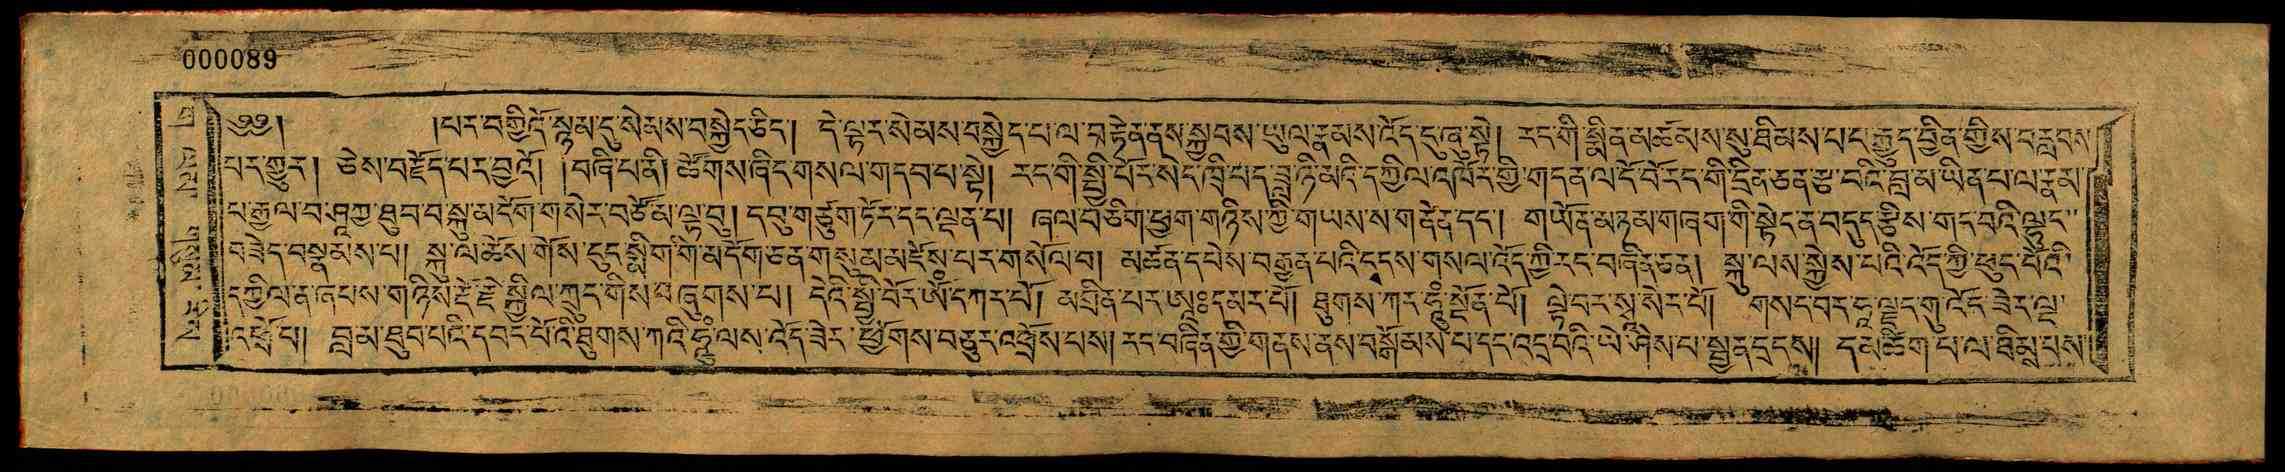༄༅། །པར་བགྱིའོ་སྙམ་དུ་སེམས་བསྐྱེད་ཅིང་། དེ་ལྟར་སེམས་བསྐྱེད་པ་ལ་བརྟེན་ནས་སྐྱབས་ཡུལ་རྣམས་འོད་དུ་ཞུ་སྟེ། རང་གི་སྨིན་མཚམས་སུ་ཐིམས་པས་རྒྱུད་བྱིན་གྱིས་བརླབས་
པར་གྱུར། ཅེས་བརྗོད་པར་བྱའོ། །བཞི་པ་ནི། ཚོགས་ཞིང་གསལ་གདབ་པ་སྟེ། རང་གི་སྤྱི་བོར་སེང་ཁྲི་པད་ཟླ་ཉི་མའི་དཀྱིལ་འཁོར་གྱི་གདན་ལ་ངོ་བོ་རང་གི་དྲིན་ཅན་རྩ་བའི་བླ་མ་ཡིན་པ་ལ་རྣམ་
པ་རྒྱལ་བ་ཤཱཀྱ་ཐུབ་པ་སྐུ་མདོག་གསེར་བཙོ་མ་ལྟ་བུ། དབུ་གཙུག་ཏོར་དང་ལྡན་པ། ཞལ་གཅིག་ཕྱག་གཉིས་ཀྱི་གཡས་ས་གནོན་དང་། གཡོན་མཉམ་གཞག་གི་སྟེང་ན་བདུད་རྩིས་གང་བའི་ལྷུང་
བཟེད་བསྣམས་པ། སྐུ་ལ་ཆོས་གོས་ངུར་སྨིག་གི་མདོག་ཅན་གསུམ་མཛེས་པར་གསོལ་བ། མཚན་དཔེས་བརྒྱན་པའི་དྭངས་གསལ་འོད་ཀྱི་རང་བཞིན་ཅན། སྐུ་ལས་སྐྱེས་པའི་འོད་ཀྱི་ཕུང་པོའི་
དཀྱིལ་ན་ཞབས་གཉིས་རྡོ་རྗེ་སྐྱིལ་ཀྲུང་གིས་བཞུགས་པ། དེའི་སྤྱི་བོར་ཨོཾ་དཀར་པོ། མགྲིན་པར་ཨཿ དམར་པོ། ཐུགས་ཀར་ཧཱུཾ་སྔོན་པོ། ལྟེ་བར་སྭཱ་སེར་པོ། གསང་བར་ཧཱ་ལྗང་གུ་འོད་ཟེར་ལྔ་
འཕྲོ་བ། བླ་མ་ཐུབ་པའི་དབང་པོའི་ཐུགས་ཀའི་ཧཱུཾ་ལས་འོད་ཟེར་ཕྱོགས་བཅུར་འཕྲོས་པས་རང་བཞིན་གྱི་གནས་ནས་བསྒོམས་པ་དང་འདྲ་བའི་ཡེ་ཤེས་པ་སྤྱན་དྲངས། དམ་ཚིག་པ་ལ་ཐིམས་པས་